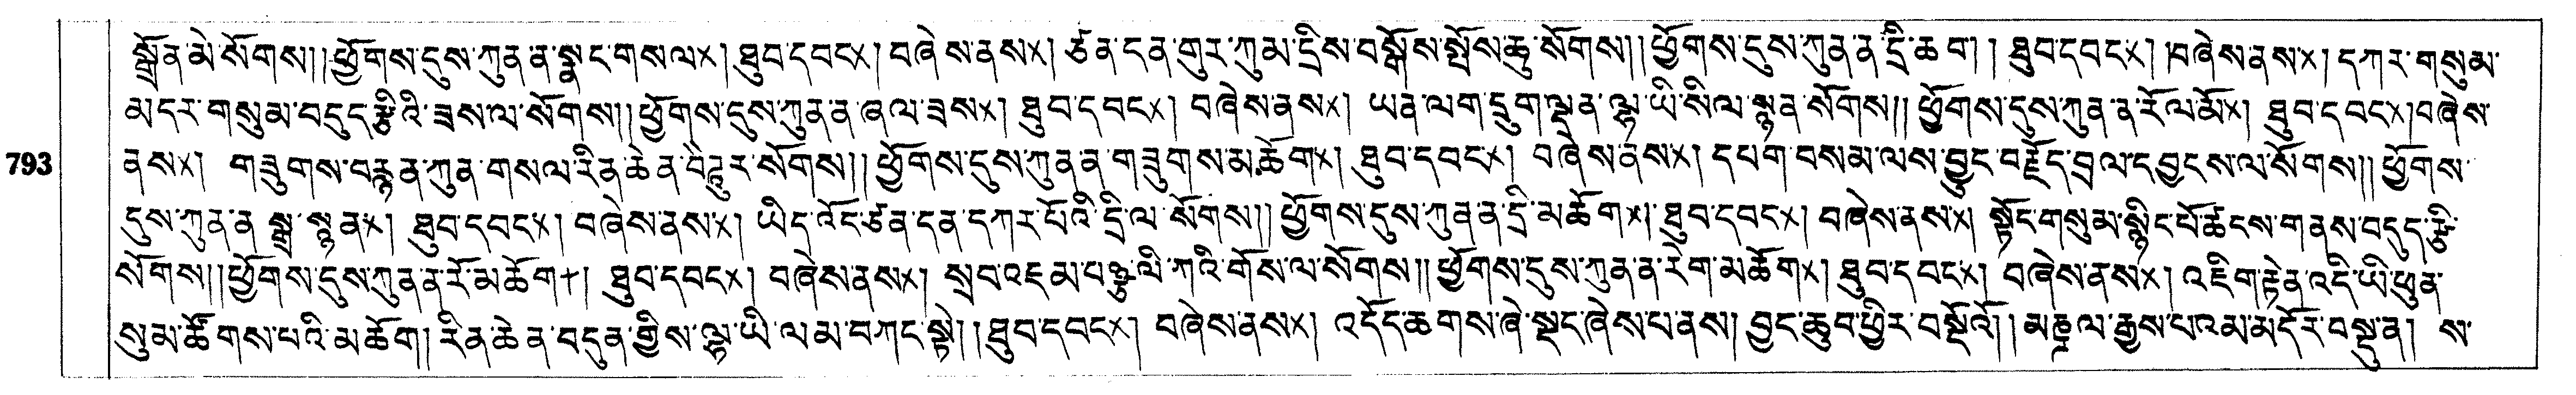སྒྲོན་མེ་སོགས། །ཕྱོགས་དུས་ཀུན་ན་སྣང་གསལ྾། ཐུབ་དབང྾། བཞེས་ནས྾། ཙན་དན་གུར་ཀུམ་དྲིས་བསྒོས་སྤོས་ཆུ་སོགས། །ཕྱོགས་དུས་ཀུན་ན་དྲི་ཆབ། །ཐུབ་དབང྾། །བཞེས་ནས྾། དཀར་གསུམ་
མངར་གསུམ་བདུད་རྩིའི་ཟས་ལ་སོགས། །ཕྱོགས་དུས་ཀུན་ན་ཞལ་ཟས྾། ཐུབ་དབང྾། བཞེས་ནས྾། ཡན་ལག་དྲུག་ལྡན་ལྷ་ཡི་སིལ་སྙན་སོགས། །ཕྱོགས་དུས་ཀུན་ན་རོལ་མོ྾། ཐུབ་དབང྾། བཞེས་
ནས྾། གཟུགས་བརྙན་ཀུན་གསལ་རིན་ཆེན་བཻཌཱུར་སོགས། །ཕྱོགས་དུས་ཀུན་ན་གཟུགས་མཆོག྾། ཐུབ་དབང྾། བཞེས་ནས྾། དཔག་བསམ་ལས་བྱུང་བརྗོད་བྲལ་དབྱངས་ལ་སོགས། །ཕྱོགས་
དུས་ཀུན་ན་སྒྲ་སྙན྾། ཐུབ་དབང྾། བཞེས་ནས྾། ཡིད་འོང་ཙན་དན་དཀར་པོའི་དྲི་ལ་སོགས། །ཕྱོགས་དུས་ཀུན་ན་དྲི་མཆོག་྾། ཐུབ་དབང྾། བཞེས་ནས྾། སྟོང་གསུམ་སྙིང་པོ་ཚངས་གནས་བདུད་རྩི་
སོགས། །ཕྱོགས་དུས་ཀུན་ན་རོ་མཆོག྾། ཐུབ་དབང྾། བཞེས་ནས་྾། སྲབ་འཇམ་པ་ཉྩ་ལི་ཀའི་གོས་ལ་སོགས། །ཕྱོགས་དུས་ཀུན་ན་རེག་མཆོག྾། ཐུབ་དབང྾། བཞེས་ནས྾། འཇིག་རྟེན་འདི་ཡི་ཕུན་
སུམ་ཚོགས་པའི་མཆོག །རིན་ཆེན་བདུན་གྱིས་ལྷ་ཡི་ལམ་བཀང་སྟེ། །ཐུབ་དབང྾། བཞེས་ནས྾། འདོད་ཆགས་ཞེ་སྡང་ཞེས་པ་ནས། བྱང་ཆུབ་ཕྱིར་བསྔོའོ། །མཎྜལ་རྒྱས་པའམ་མདོར་བསྡུ་ན། ས་